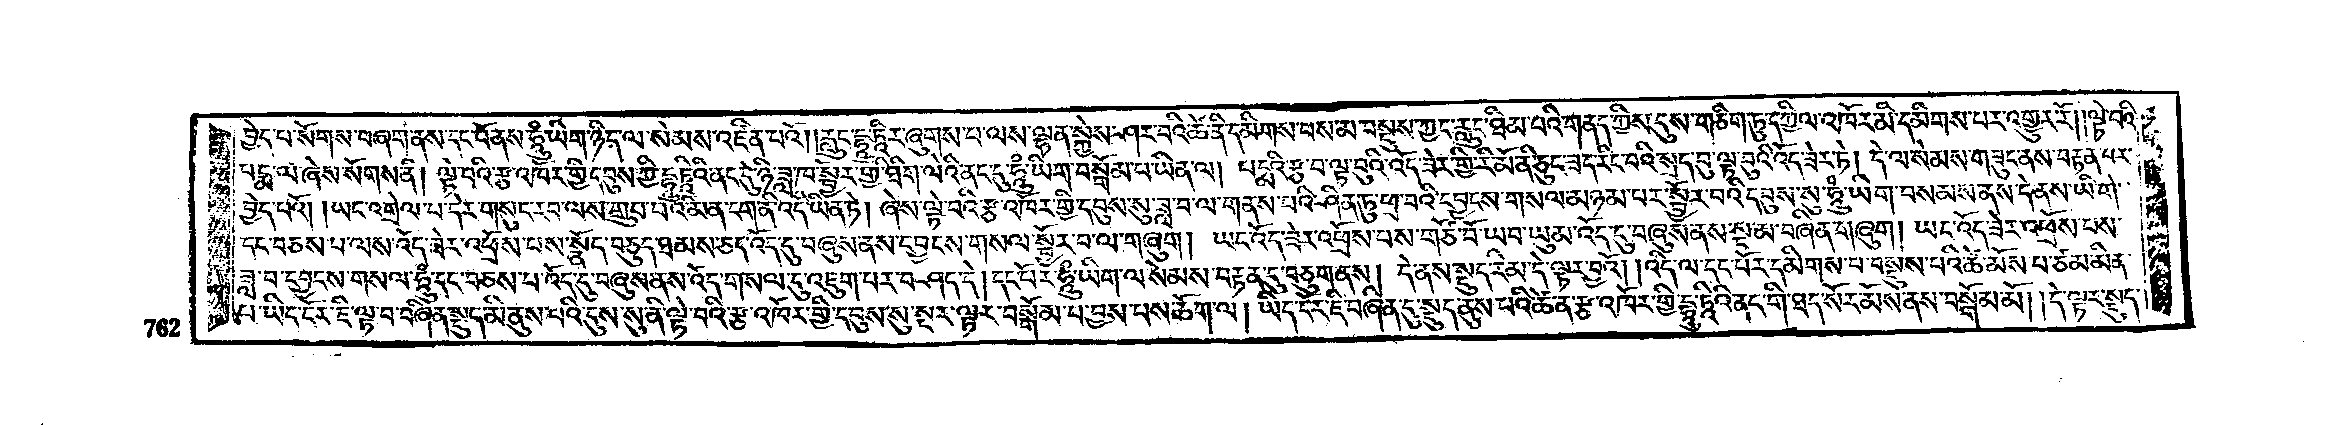བྱེད་པ་སོགས་བཞག་ནས་དང་པོ་ནས་ཧཱུཾ་ཡིག་ཉིད་ལ་སེམས་འཛིན་པའོ། །རླུང་དྷཱུ་ཏཱིར་ཞུགས་པ་ལས་ལྷན་སྐྱེས་ཤར་བའི་ཚེ་ནི་དམིགས་པས་མ་བསྡུས་ཀྱང་རླུང་ཐིམ་པའི་གནད་ཀྱིས་དུས་གཅིག་ཏུ་དཀྱིལ་འཁོར་མི་དམིགས་པར་འགྱུར་རོ། །ལྟེ་བའི་
པདམ་ལ་ཞེས་སོགས་ནི། ལྟེ་བའི་རྩ་འཁོར་གྱི་དབུས་ཀྱི་དྷཱུ་ཏཱིའི་ནང་དུ་ཉི་ཟླ་ཁ་སྦྱོར་གྱི་ཐིག་ལེའི་ནང་དུ་ཧཱུཾ་ཡིག་བསྒོམ་པ་ཡིན་ལ། པདམའི་རྩ་བ་ལྟ་བུའི་འོད་ཟེར་གྱི་རི་མོ་ནི་ཅུང་ཟད་རིང་བའི་སྲད་བུ་ལྟ་བུའི་འོད་ཟེར་ཏེ། དེ་ལ་སེམས་གཟུང་ནས་བརྟན་པར་
བྱེད་པའོ། །ཡང་འགྲེལ་པ་དེར་གསུང་རབ་ལས་གྲུབ་པའི་མིན་ངག་ནི་འདི་ཡིན་ཏེ། ཞེས་ལྟེ་བའི་རྩ་འཁོར་གྱི་དབུས་སུ་ཟླ་བ་ལ་གནས་པའི་ཤིན་ཏུ་ཕྲ་བའི་དབྱངས་གསལ་མཉམ་པར་སྦྱོར་བའི་དབུས་སུ་ཧཱུཾ་ཡིག་བསམས་ནས་དེ་ནས་ཡིག་
དང་བཅས་པ་ལས་འོད་ཟེར་འཕྲོས་པས་སྣོད་བཅུད་ཐམས་ཅད་འོད་དུ་བཞུས་ནས་དབྱངས་གསལ་སྦྱོར་བ་ལ་གཞུག །ཡང་འོད་ཟེར་འཕྲོས་པས་གཙོ་བོ་ཡབ་ཡུམ་འོད་དུ་བཞུས་ནས་སྔ་མ་བཞིན་གཞུག །ཡང་འོད་ཟེར་འཕྲོས་པས་
ཟླ་བ་དབྱངས་གསལ་ཧཱུཾ་དང་བཅས་པ་འོད་དུ་བཞུས་ནས་འོད་གསལ་དུ་འཇུག་པར་བཤད་དེ། དང་པོར་ཧཱུཾ་ཡིག་ལ་སེམས་བརྟན་དུ་བཅུག་ནས། དེ་ནས་སྡུད་རིམ་དེ་ལྟར་བྱའོ། །འདི་ལ་དང་པོར་དམིགས་པ་བསྡུས་པའི་ཚེ་མོས་པ་ཙམ་མིན་
ལ་ཡིད་ངོར་ཇི་ལྟ་བ་བཞིན་སྡུད་མི་ནུས་པའི་དུས་སུ་ནི་ལྟེ་བའི་རྩ་འཁོར་གྱི་དབུས་སུ་སྔར་ལྟར་བསྒོམ་པ་བྱས་པས་ཆོག་ལ། ཡིད་ངོར་ཇི་བཞིན་དུ་སྡུད་ནུས་པའི་ཚེ་ན་རྩ་འཁོར་གྱི་དྷཱུ་ཏཱིའི་ནང་གི་ཐད་སོར་མོས་ནས་བསྒོམ་མོ། །དེ་ལྟར་སྡུད་